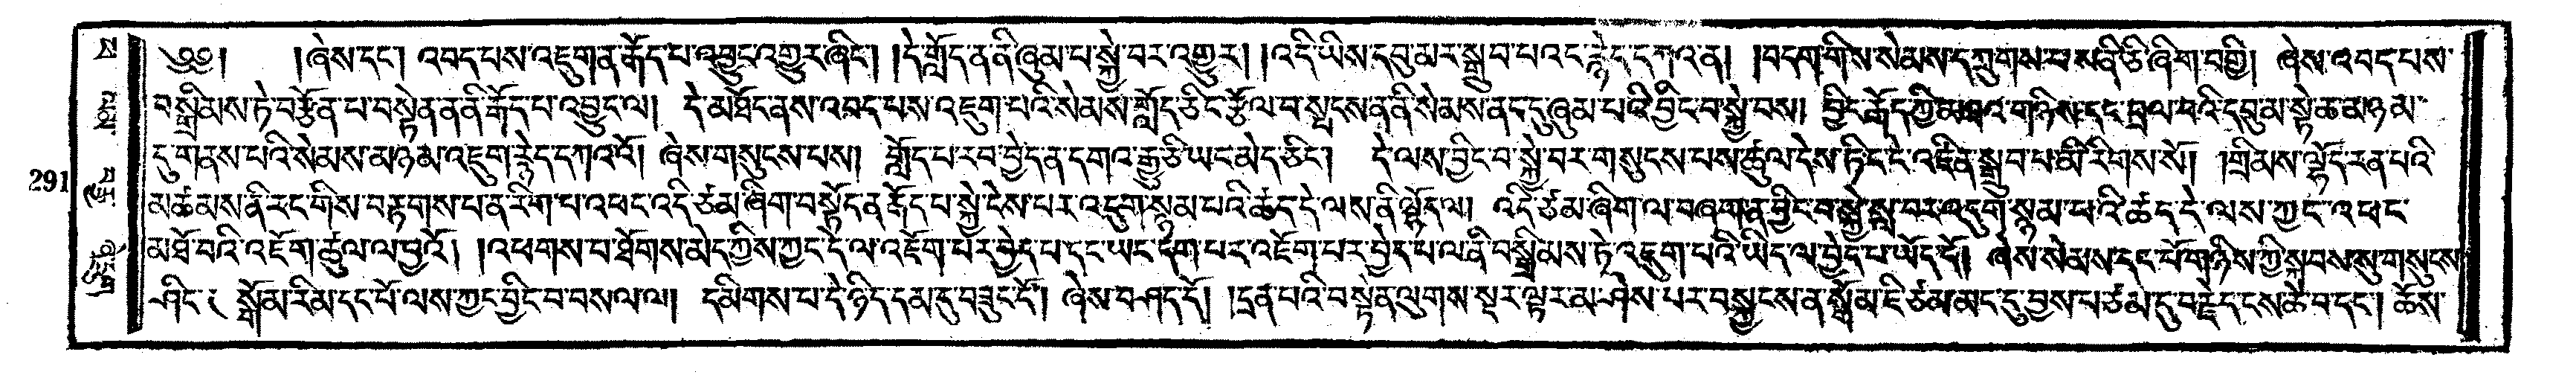༄༅། །ཞེས་དང་། འབད་པས་འཇུག་ན་རྒོད་པ་འཕྱུང་འགྱུར་ཞིང་། །དེ་གློད་ན་ནི་ཞུམ་པ་སྐྱེ་བར་འགྱུར། །འདི་ཡིས་དབུ་མར་སྒྲུབ་པའང་རྙེད་དཀའ་ན། །བདག་གིས་སེམས་དཀྲུགས་བས་ནི་ཅི་ཞིག་བགྱི། ཞེས་འབད་པས་
བསྒྲིམས་ཏེ་བརྩོན་པ་བསྟེན་ན་ནི་རྒོད་པ་འབྱུང་ལ། དེ་མཐོང་ནས་འབད་པས་འཇུག་པའི་སེམས་གློད་ཅིང་རྩོལ་བ་སྤངས་ན་ནི་སེམས་ནང་དུ་ཞུམ་པའི་བྱིང་བ་སྐྱེ་བས། བྱིང་རྒོད་ཀྱི་མཐའ་གཉིས་དང་བྲལ་བའི་དབུ་མ་སྟེ་ཆ་མཉམ་
དུ་གནས་པའི་སེམས་མཉམ་འཇུག་རྙེད་དཀའ་འོ། ཞེས་གསུངས་པས། གློད་པ་རབ་བྱེད་ན་དགའ་རྒྱུ་ཅི་ཡང་མེད་ཅིང་། དེ་ལས་བྱིང་བ་སྐྱེ་བར་གསུངས་པས་ཚུལ་དེས་ཏིང་ངེ་འཛིན་སྒྲུབ་པ་མི་རིགས་སོ། །གྲིམས་ལྷོད་རན་པའི་
མཚམས་ནི་རང་གིས་བརྟགས་པ་ན་རིག་པ་འཕང་འདི་ཙམ་ཞིག་བསྟོད་ན་རྒོད་པ་སྐྱེ་ངེས་པར་འདུག་སྙམ་པའི་ཚད་དེ་ལས་ནི་ལྷོད་ལ། འདི་ཙམ་ཞིག་ལ་བཞག་ན་བྱིང་བ་སྐྱེ་སླ་བར་འདུག་སྙམ་པའི་ཚད་དེ་ལས་ཀྱང་འཕང་
མཐོ་བའི་འཇོག་ཚུལ་ལ་བྱའོ། །འཕགས་པ་ཐོགས་མེད་ཀྱིས་ཀྱང་དེ་ལ་འཇོག་པར་བྱེད་པ་དང་ཡང་དག་པར་འཇོག་པར་བྱེད་པ་ལ་ནི་བསྒྲིམས་ཏེ་འཇུག་པའི་ཡིད་ལ་བྱེད་པ་ཡོད་དོ། ཞེས་སེམས་དང་པོ་གཉིས་ཀྱི་སྐབས་སུ་གསུངས་
ཤིང་༑ སྒོམ་རིམ་དང་པོ་ལས་ཀྱང་བྱིང་བ་བསལ་ལ། དམིགས་པ་དེ་ཉིད་དམ་དུ་བཟུང་ངོ། ཞེས་བཤད་དོ། །དྲན་པའི་བསྟེན་ལུགས་སྔར་ལྟར་མ་ཤེས་པར་བསྐྱངས་ན་སྒོམ་ཇི་ཙམ་མང་དུ་བྱས་པ་ཙམ་དུ་བརྗེད་ངས་ཚེ་བ་དང་། ཆོས་